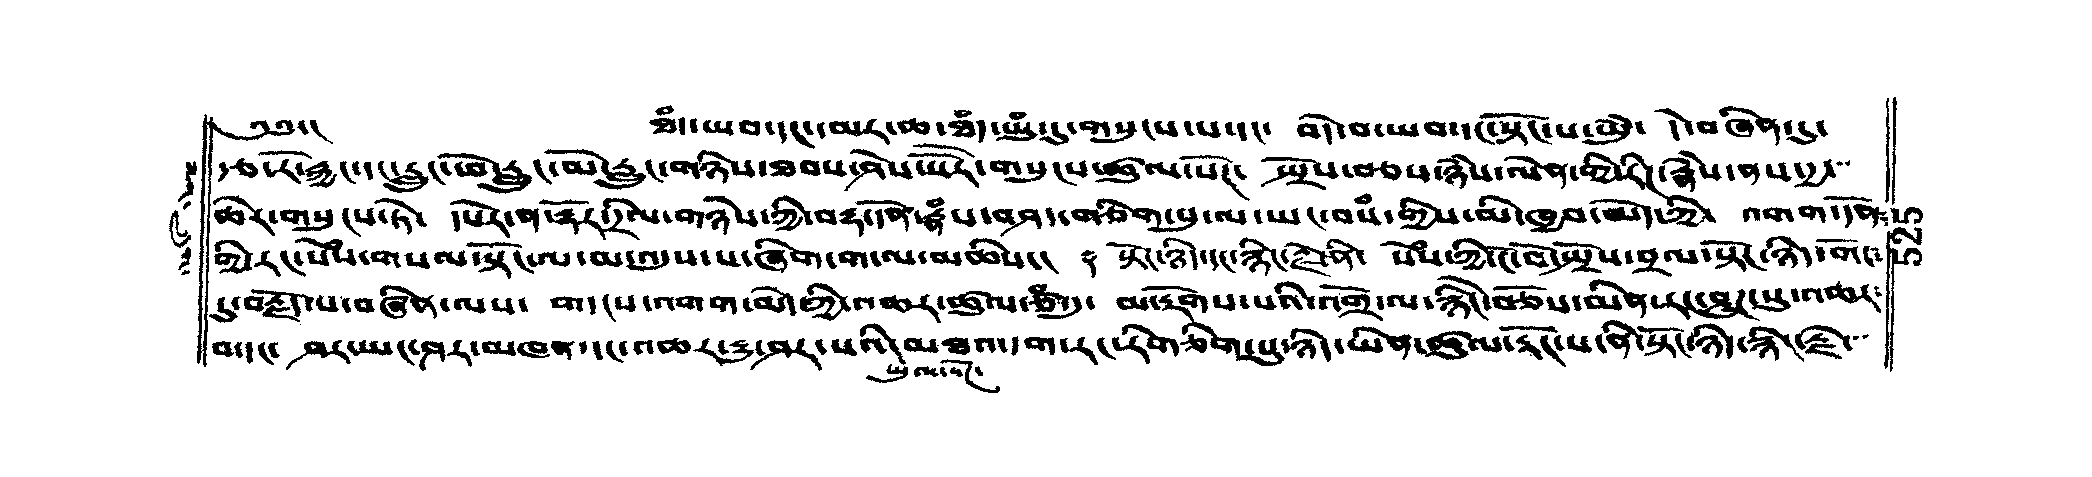ཐམས་ཅད་ཡབ་དང་དམར་ཆ་ཐམས་ཅད་ཡུམ་དུ་གསུངས་པ་དང་། བདེ་བ་ཡབ་དང་སྟོང་པ་ཡུམ། དེ་བཞིན་དུ་
རྩ་རོ་རྐྱང་དང་རླུང་ཕོ་རླུང་མོ་རླུང་གཉིས་ཐབས་ཤེས་སོ་སོར་གསུངས་ཚུལ་སོགས། སྤྲོས་བཅས་ཉམས་ལེན་གྱི་རིགས་རྣམས་ནས་རྒྱ་
ཆེར་གསུངས་ཏེ། དཔེར་ན་རྡོར་དྲིལ་གཉིས་ཀྱི་བརྡ་དོན་རྣམ་བཤད་གཅིག་པུ་ལ་ཡང་བསམ་གྱིས་མི་ཁྱབ་མོད་ཀྱི། འགག་དོན་
གྱི་རང་སེམས་གསལ་སྟོང་ལ་མ་འདུས་པ་ཞིག་ག་ལ་མཆིས། ༈ སྟོང་ཉིད་དང་སྙིང་རྗེ་ནི། སེམས་ཀྱི་ངོ་བོ་སྤྲོས་བྲལ་སྟོང་ཉིད་གོང་
དུ་བརྗོད་པ་བཞིན་ལས། གདངས་འགགས་མེད་ཀྱི་འཆར་ཚུལ་ཙམ་དུ། མ་རྟོགས་པའི་འགྲོ་ལ་སྙིང་རྗེ་བཅོས་མིན་རང་ཤུགས་སུ་འཆར་
བ་དང་། ཤར་ཡང་ཤར་མཁན་དང་འཆར་རྒྱུ་ཤར་པའི་ཡུལ་སོགས་མཐའ་དག་རང་རིག་གཅིག་པུ་ཉིད་ཡིན་ཚུལ་རྟོགས་པ་ནི་སྟོང་ཉིད་སྙིང་རྗེ་